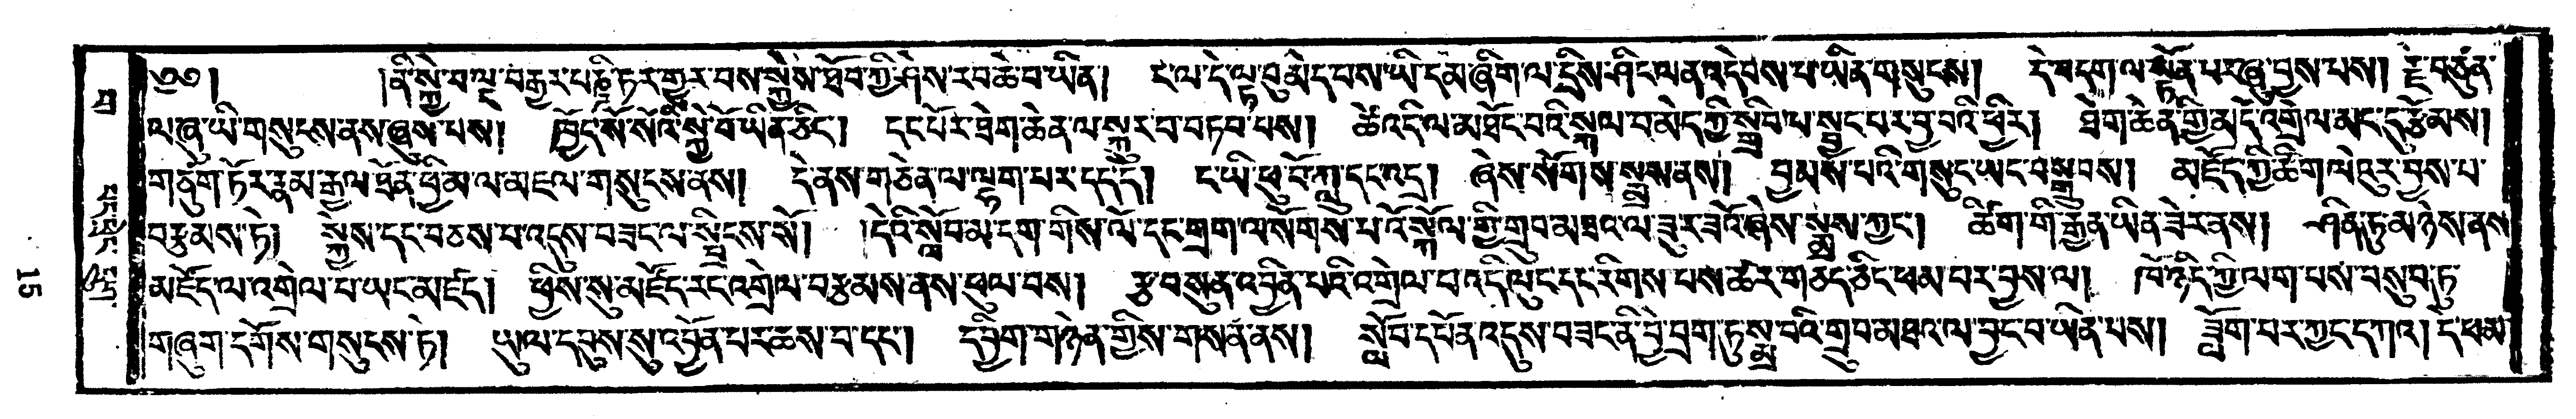༄༅། །ནི་སྐྱེ་བ་ལྔ་བརྒྱར་པཎྜི་ཏར་གྱུར་པས་སྐྱེས་ཐོབ་ཀྱི་ཤེས་རབ་ཆེ་བ་ཡིན། ང་ལ་དེ་ལྟ་བུ་མེད་པས་ཡི་དམ་ཞིག་ལ་དྲིས་ཤིང་ལན་འདེབས་པ་ཡིན་གསུངས། དེ་བདག་ལ་སྟོན་པར་ཞུ་བྱས་པས། རྗེ་བཙུན་
ལ་ཞུ་ཡི་གསུངས་ནས་ཞུས་པས། ཁྱོད་སོ་སོའི་སྐྱེ་བོ་ཡིན་ཅིང་། དང་པོར་ཐེག་ཆེན་ལ་སྐུར་བ་བཏབ་པས། ཚེ་འདི་ལ་མཐོང་བའི་སྐལ་བ་མེད་ཀྱི་སྒྲིབ་པ་སྦྱང་བར་བྱ་བའི་ཕྱིར། ཐེག་ཆེན་གྱི་མདོ་འགྲེལ་མང་དུ་རྩོམས།
གཙུག་ཏོར་རྣམ་རྒྱལ་ཐོན་ཕྱི་མ་ལ་མཇལ་གསུངས་ནས། དེ་ནས་གཅེན་ལ་ལྷག་པར་དད་དོ། ང་ཡི་ཕུ་བོ་ཀླུ་དང་འདྲ། ཞེས་སོགས་སྨྲས་ནས། བྱམས་པའི་གསུང་ཡང་བསྒྲུབས། མཛོད་ཀྱི་ཚིག་ལེའུར་བྱས་པ་
བརྩམས་ཏེ། སྐྱེས་དང་བཅས་པ་འདུས་བཟང་ལ་སྦྲིངས་སོ། །དེའི་སློབ་མ་དག་གིས་ལོ་དང་གྲག་ལ་སོགས་པའོ་སྐོལ་གྱི་གྲུབ་མཐའ་ལ་ཟུར་ཟའོ་ཞེས་སྨྲས་ཀྱང་། ཚིག་གི་རྒྱན་ཡིན་ཟེར་ནས། ཤིན་ཏུ་མཉེས་ནས་
མཛོད་ལ་འགྲེལ་པ་ཡང་མཛད། ཕྱིས་སུ་མཛོད་རང་འགྲེལ་བརྩམས་ནས་ཕུལ་བས། རྩ་བ་སུན་འབྱིན་པའི་འགྲེལ་པ་འདི་ལུང་དང་རིགས་པས་ཚར་གཅད་ཅིང་ཕམ་པར་བྱས་ལ། ཁོ་ཉིད་ཀྱི་ལག་པས་བསུབ་ཏུ་
གཞུག་དགོས་གསུངས་ཏེ། ཡུལ་དབུས་སུ་འབྱོན་པར་ཆས་བ་དང་། དབྱིག་གཉེན་གྱིས་གསན་ནས། སློབ་དཔོན་འདུས་བཟང་ནི་བྱེ་བྲག་ཏུ་སྨྲ་བའི་གྲུབ་མཐའ་ལ་བྱང་བ་ཡིན་པས། ཟློག་པར་ཀྱང་དཀའ། དེ་ཕམ་